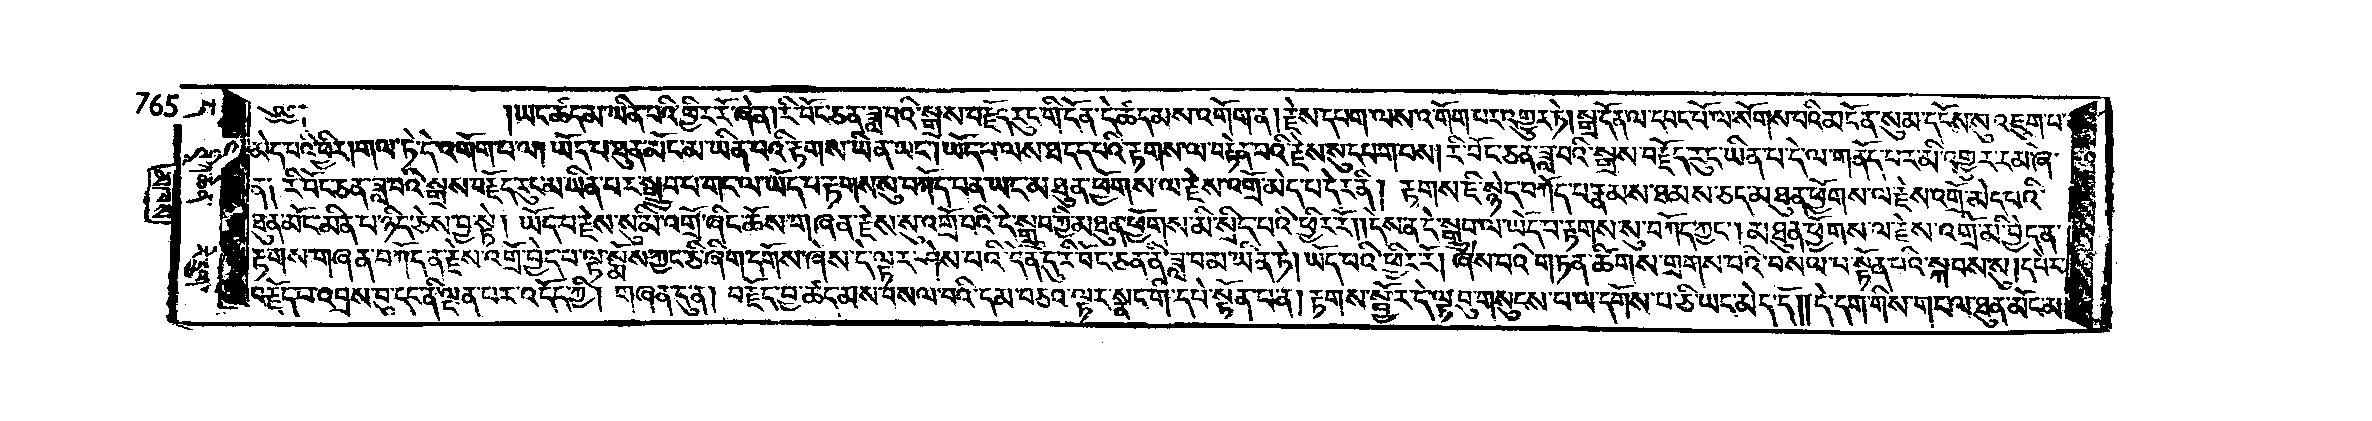༄༅། །ཡང་ཚད་མ་ཡིན། པའི་ཕྱིར་རོ་ཞེ་ན། རི་བོང་ཅན་ཟླ་བའི་སྒྲས་བརྗོད་རུང་གི་དོན་དེ་ཚད་མས་འགོག་ན། རྗེས་དཔག་ལས་འགོག་པར་འགྱུར་ཏེ། སྒྲ་དོན་ལ་དབང་པོ་ལ་སོགས་པའི་མངོན་སུམ་དངོས་སུ་འཇུག་པ་
མེད་པའི་ཕྱིར། གལ་ཏེ་དེ་འགོག་པ་ལ། ཡོད་པ་ཐུན་མོང་མ་ཡིན་པའི་རྟགས་ཡིན་ཡང་། ཡོད་པ་ལས་ཐ་དད་པའི་རྟགས་ལ་བརྟེན་པའི་རྗེས་སུ་དཔག་པས། རི་བོང་ཅན་ཟླ་བའི་སྒྲས་བརྗོད་རུང་ཡིན་པ་དེ་ལ་གནོད་པར་མི་འགྱུར་རམ་ཞེ་
ན། རི་བོང་ཅན་ཟླ་བའི་སྒྲས་བརྗོད་རུང་མ་ཡིན་པར་སྒྲུབ་པ་གང་ལ་ཡོད་པ་རྟགས་སུ་བཀོད་པ་ན་ཡང་མཐུན་ཕྱོགས་ལ་རྗེས་འགྲོ་མེད་པ་དེར་ནི། རྟགས་ཇི་སྙེད་བཀོད་པ་རྣམས་ཐམས་ཅད་མཐུན་ཕྱོགས་ལ་རྗེས་འགྲོ་མེད་པའི་
ཐུན་མོང་མིན་པ་ཉིད་ཅེས་བྱ་སྟེ། ཡོད་པ་རྗེས་སུ་མི་འགྲོ་ཞིང་ཆོས་གཞན་རྗེས་སུ་འགྲོ་བའི་དེ་སྒྲུབ་ཀྱི་མཐུན་ཕྱོགས་མི་སྲིད་པའི་ཕྱིར་རོ། །དེས་ན་དེ་སྒྲུབ་ལ་ཡོད་པ་རྟགས་སུ་བཀོད་ཀྱང་། མཐུན་ཕྱོགས་ལ་རྗེས་འགྲོ་མི་བྱེད་ན་
རྟགས་གཞན་བཀོད་ན་རྗེས་འགྲོ་བྱེད་པ་ལྟ་སྨོས་ཀྱང་ཅི་ཞིག་དགོས་ཞེས་དེ་ལྟར་ཤེས་པའི་དོན་དུ་རི་བོང་ཅན་ནི་ཟླ་བ་མ་ཡིན་ཏེ། ཡོད་པའི་ཕྱིར་རོ། ཞེས་པའི་གཏན་ཚིགས་གྲགས་པའི་བསལ་བ་སྟོན་པའི་སྐབས་སུ། དཔེར་
བརྗོད་པ་འབྲས་བུ་དང་ནི་ལྡན་པར་འདོད་ཀྱི། གཞན་དུ་ན། བརྗོད་བྱ་ཚད་མས་བསལ་བའི་དམ་བཅའ་ལྟར་སྣང་གི་དཔེ་སྟོན་པ་ན། རྟགས་སྦྱོར་དེ་ལྟ་བུ་གསུངས་པ་ལ་དགོས་པ་ཅི་ཡང་མེད་དོ། །དེ་དག་གིས་གང་ལ་ཐུན་མོང་མ་